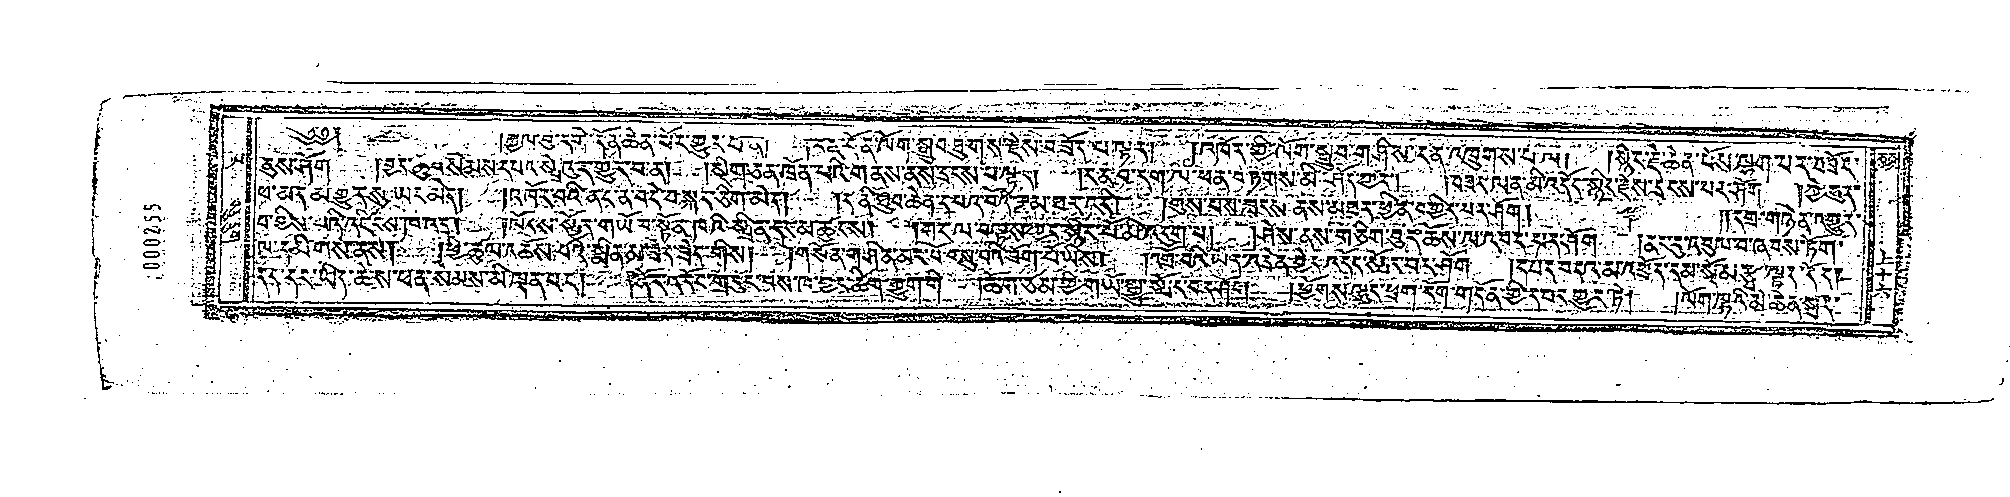༄༅། །རྒྱལ་བུ་དགེ་དོན་ཆེན་པོར་གྱུར་པ་ན། ཁན་དོན་ལོག་སྒྲུབ་ཐུགས་རྗེས་བྲོད་པ་ལྟར། །འཁོར་གྱི་ལོག་སྒྲུབ་གཤིས་ངན་འཁྲུགས་པ་ལ། །སྙིང་རྗེ་ཆེན་པོས་ལྷག་པར་བཟོང་
ནུས་ཤོག །བྱང་ཆུབ་སེམས་དཔའ་སྤྲེའུ་དགྱུར་བ་ན། །སྡིག་ཅན་ཁྲོན་པའི་གནས་ནས་དྲངས་བ་ལྟར། །ངན་བ་དག་ལ་ཕན་བཏགས་མི་ཤོད་ཀྱང་། །བཟད་ལན་མི་འདོད་སྙིང་རྗེས་དྲངས་པར་ཤོག །ཀྱེ་ཧུད་
ཕ་མར་མ་གྱུར་སུ་ཡང་མེད། །འཁོར་བའི་ནང་ན་བདེ་བ་སྐད་ཅིག་མེད། །ད་ནི་ཐུབ་ཆེན་དཔའ་བོའི་རྣམ་ཐར་འདི། །གུས་པས་བླངས་ནས་མཐར་ཕྱིན་བགྱིད་པར་ཤོག། ༈ །།དགྲ་གཉེན་འགྱུར་
བ་བྱིས་པའི་འཛིངས་ཁ་འདྲ། །ལོངས་སྤྱོད་གཡོ་བ་སྟོན་ཁའི་སྤྲིན་དང་མཚུངས། །གང་ལ་བལྟས་ཀྱང་སྙིང་པོ་མི་འདུག་པ། །ཤེས་ནས་གཅིག་བུར་ཆོས་ལ་འབད་པར་ཤོག །ནང་དུ་འབུལ་བ་ཞབས་ཏོག་
ལ་དམིགས་ནས། །ཕྱི་ཚུལ་འཆོས་པའི་སྨིན་མ་ཟེང་ཟིང་གིས། །གསོན་གཤིན་མང་པོ་བསླུ་བའི་ཟོག་པོ་ཡིས། །འགྲོ་བའི་ཡར་འདྲེན་བྱེད་འདོད་སྤོང་བར་ཤོག །དཔད་བདའ་མ་འཕྲོད་དམ་སྔོན་རྩྭ་ལྟར་དོར།
དང་དང་ཡིད་ཆེས་ཕན་སེམས་མི་ལྡན་པར། །ནོར་འདོད་གདུང་བས་ཁ་བྱང་ཚིག་རྒྱུག་གི །ཆོ་ག་ཙམ་གྱི་གཡོ་སྒྱུ་སྤོང་བར་ཤོག །ཕྱོགས་ལྷུང་ཕྲག་དོག་གདོན་གྱི་དབང་གྱུར་ཏེ། །ལོག་ལྟའི་མེ་ཆེན་སྤང་